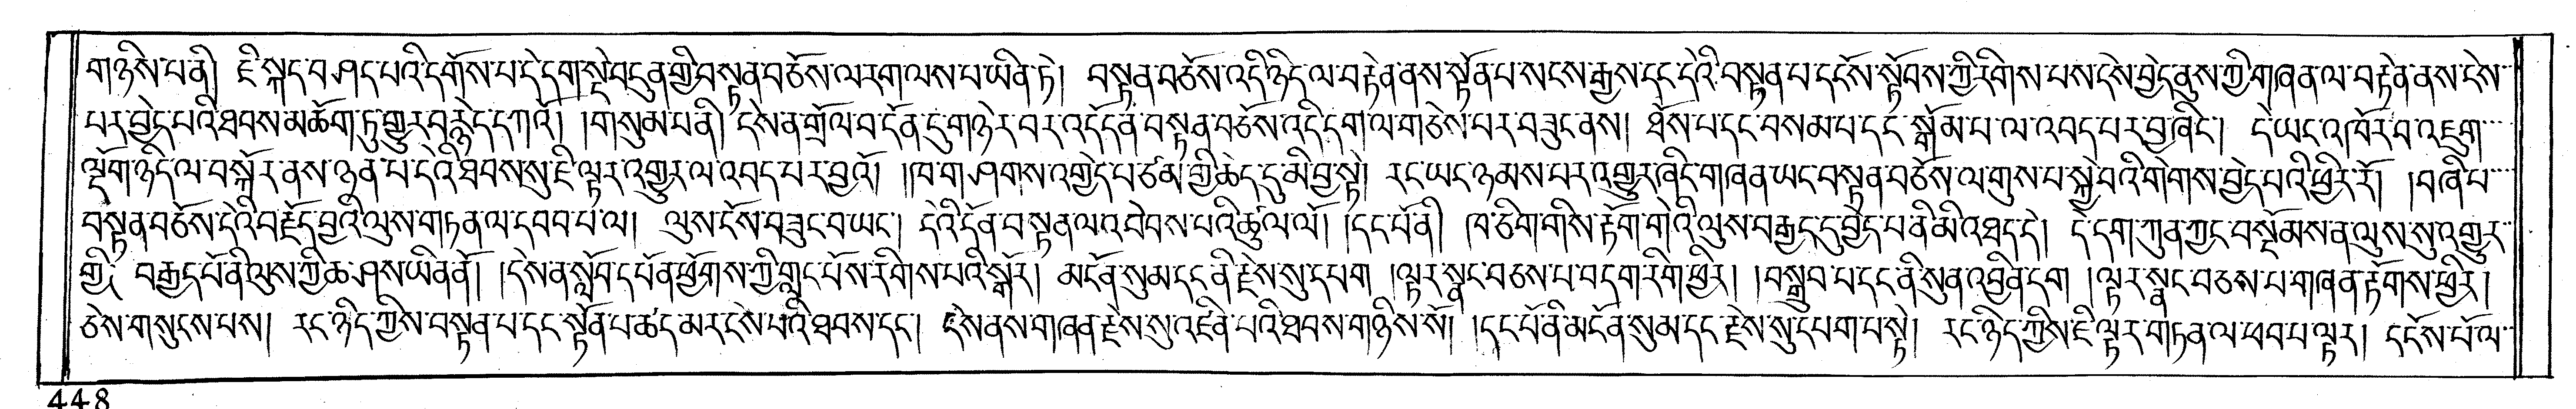གཉིས་བ་ནི། ཇི་སྐད་བཤད་པའི་དགོས་པ་དེ་དག་སྡེ་བདུན་གྱི་བསྟན་བཅོས་ལ་རག་ལས་པ་ཡིན་ཏེ། བསྟན་བཅོས་འདི་ཉིད་ལ་བརྟེན་ནས་སྟོན་པ་སངས་རྒྱས་དང་དེའི་བསྟན་བ་དངོས་སྟོབས་ཀྱི་རིགས་པས་ངེས་བྱེད་ནུས་ཀྱི་གཞན་ལ་བརྟེན་ནས་ངེས་
པར་བྱེད་པའི་ཐབས་མཆོག་ཏུ་གྱུར་པ་རྙེད་དཀའོ། །གསུམ་པ་ནི། དེས་ན་གྲོལ་བ་དོན་དུ་གཉེར་བར་འདོད་ན་བསྟན་བཅོས་འདི་དག་ལ་གཅེས་པར་བཟུང་ནས། ཐོས་པ་དང་བསམ་པ་དང་སྒོམ་པ་ལ་འབད་པར་བྱ་ཞིང་། དེ་ཡང་འཁོར་བ་འཇུག་
ལྡོག་ཉིད་ལ་བསྐོར་ནས་ཉན་པ་དེའི་ཐབས་སུ་ཇི་ལྟར་འགྱུར་ལ་འབད་པར་བྱའོ། །ཁ་གཤགས་འགྱེད་པ་ཙམ་གྱི་ཆེད་དུ་མི་བྱ་སྟེ། རང་ཡང་ཉམས་པར་འགྱུར་ཞིང་གཞན་ཡང་བསྟན་བཅོས་ལ་གུས་པ་སྐྱེ་བའི་གེགས་བྱེད་པའི་ཕྱིར་རོ། །བཞི་བ་
བསྟན་བཅོས་དེའི་བརྗོད་བྱའི་ལུས་གཏན་ལ་དབབ་པ་ལ། ལུས་ངོས་བཟུང་བ་དང་། དེའི་དོན་གཏན་ལ་འབེབས་པའི་ཚུལ་ལོ། །དང་པོ་ནི། ཁ་ཅིག་གིས་རྟོག་གེའི་ལུས་བརྒྱད་དུ་བྱེད་པ་ནི་མི་འཐད་ད། དེ་དག་ཀུན་ཀྱང་བསྔོམས་ན་ལུས་སུ་འགྱུར་
གྱི༑ བརྒྱད་པོ་ནི་ལུས་ཀྱི་ཆ་ཤས་ཡིན་ནོ། །དེས་ན་སློབ་དཔོན་ཕྱོགས་ཀྱི་གླང་པོས་རིགས་པའི་སྒོར། མངོན་སུམ་དང་ནི་རྗེས་སུ་དཔག །ལྟར་སྣང་བཅས་པ་བདག་རིག་ཕྱིར། །བསྒྲུབ་པ་དང་ནི་སུན་འབྱིན་དག །ལྟར་སྣང་བཅས་པ་གཞན་རྟོགས་ཕྱིར།
ཅེས་གསུངས་པས། རང་ཉིད་ཀྱིས་བསྟན་པ་དང་སྟོན་པ་ཚད་མར་ངེས་པའི་ཐབས་དང་། ངེས་ནས་གཞན་རྗེས་སུ་འཛིན་པའི་ཐབས་གཉིས་སོ། །དང་པོ་ནི་མངོན་སུམ་དང་རྗེས་སུ་དཔག་པ་སྟེ། རང་ཉིད་ཀྱིས་ཇི་ལྟར་གཏན་ལ་ཕབ་པ་ལྟར། དངོས་པོ་ལ་